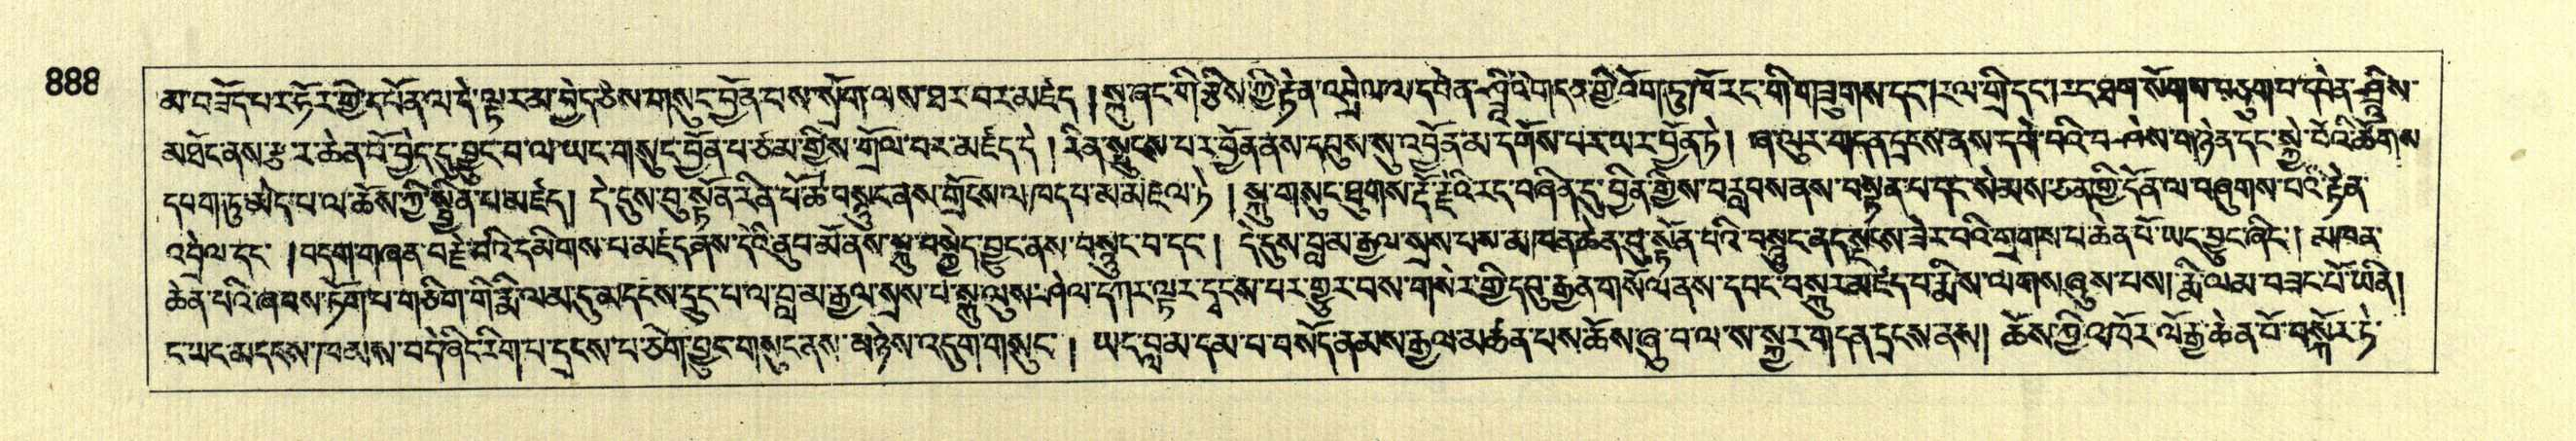མ་བཟོད་པར་ཧོར་གྱི་དཔོན་ལ་དེ་ལྟར་མ་བྱེད་ཅེས་གསུང་བྱོན་པས་སྲོག་ལས་ཐར་བར་མཛེད་།སྐུ་ཞང་གི་རྩིས་ཀྱི་རྟེན་འབྲེལ་ལ་དབེན་ཤྲཱིའི་གདན་གྱི་འོག་ཏུ་ཁོ་རང་གི་གཟུགས་དང་། རལ་གྲི་དང་། རང་ཐག་སོགས་བཅུག་པ་དབེན་ཤྲཱིས་
མཐོང་ནས་རྩ་ར་ཆེན་པོ་བྱེད་དུ་བྱུང་བ་ལ་ཡང་གསུང་བྱོན་པ་ཙམ་གྱིས་གྲོལ་བར་མཛད་དེ། རིན་སྤུངས་པར་བྱོན་ནས་དབུས་སུ་འབྱོན་མ་དགོས་པར་ཡར་བྱོན་ཏེ། ཞ་ལུར་གདན་དྲངས་ནས་དགེ་བའི་བཤེས་གཉེན་དང་སྐྱེ་བོའི་ཚོགས་
དཔག་ཏུ་མེད་པ་ལ་ཆོས་ཀྱི་སྦྱིན་པ་མཛད། དེ་དུས་བུ་སྟོན་རིན་པོ་ཆེ་བསྙུང་ནས་གྲོངས་ལ་ཁད་པ་མ་མཇལ་ཏེ་།སྐུ་གསུང་ཐུགས་རྡོ་རྗེའི་རང་བཞིན་དུ་བྱིན་གྱིས་བརླབས་ནས་བསྟན་པ་དང་སེམས་ཅན་གྱི་དོན་ལ་བཞུགས་པའི་རྟེན་
འབྲེལ་དང་།བདག་གཞན་བརྗེ་བའི་དམིགས་པ་མཛད་ནས་དེའི་ནུབ་མོ་ནས་སྐུ་བསྐྱེད་བྱུང་ནས་བསྙུང་བ་དང་། དེ་དུས་བླ་མ་རྒྱལ་སྲས་པས་མཁན་ཆེན་བུ་སྟོན་པའི་བསྙུང་ནད་སྡངས་ཟེར་བའི་གྲགས་པ་ཆེན་པོ་ཡང་བྱུང་ཞིང་། མཁན་
ཆེན་པའི་ཞབས་ཏོག་པ་གཅིག་གི་རྨི་ལམ་དུ་མདངས་དྲུང་པ་ལ་བླ་མ་རྒྱལ་སྲས་པ་སྐུ་ལུས་ཤེལ་དཀར་ལྟར་དྭངས་པར་གྱུར་བས་གསེར་གྱི་དབུ་རྒྱན་གསོལ་ནས་དབང་བསྐུར་མཛད་པ་རྨིས་ལགས་ཞུས་པས། རྨི་ལམ་བཟང་པོ་ཡིན།
ང་ཡང་མདངས་ཁམས་བདེ་ཞིང་རིག་པ་དྲངས་པ་ཅིག་བྱུང་གསུང་ནས་མཉེས་འདུག་གསུང་། ཡང་བླ་མ་དམ་པ་བསོད་ནམས་རྒྱལ་མཚན་པས་ཆོས་ཞུ་བ་ལ་ས་སྐྱར་གདན་དྲངས་ནས། ཆོས་ཀྱི་འཁོར་ལོ་རྒྱ་ཆེན་པོ་བསྐོར་ཏེ་